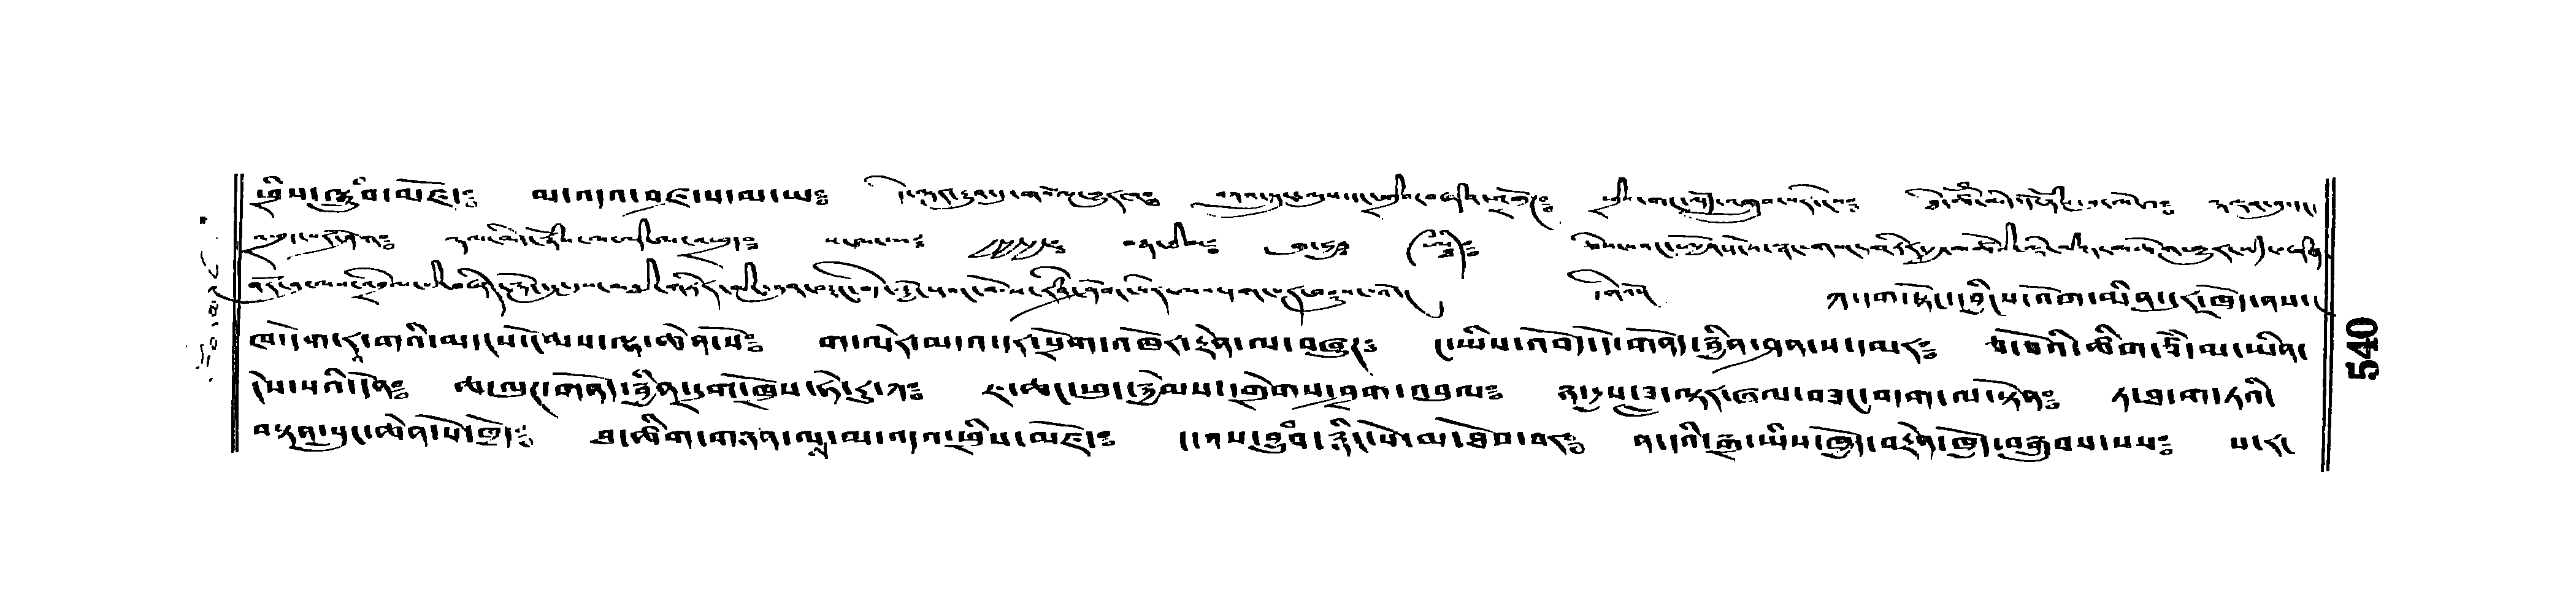ཕྲིན་ལས་ལྷུན་གྲུབ་མཛོད༔ མ་འདའ་བཛྲ་ས་མ་ཡ༔ དེ་ལྟར་རྒྱུན་དུ་གསོལ་གྱུར་ན༔ བཀའ་སྲུང་ལུས་དང་གྲིབ་བཞིན་འགྲོགས༔ ཕྲིན་ལས་གང་འདོད་འགྲུབ་པར་ངེས༔ ཐེ་ཚོམ་མེད་དོ་ཉམས་སུ་ལོངས༔ སྐལ་ལྡན་བུ་དང་
འཕྲད་པར་ཤོག༔ སྐལ་མེད་རྣམས་ལ་འདི་མ་འཕྲད༔ ས་མ་ཡ༔ རྒྱ་རྒྱ་རྒྱ༔ བརྡ་ཐིམ༔ གུ་ཧྱ༔ ༔ ཅེས་པའང་ཨོ་རྒྱན་དངོས་སྣང་གསང་གཏེར་རྒྱ་མཚོའི་ལྡེ་མིག་མཆོག་གྱུར་ཡིད་བཞིན་
ནོར་བུ་ལས་འབྲེལ་པའི་བཞེད་སྐོང་དུ་དུས་མཐའི་གཏེར་མིང་ཀུན་བཟང་བདེ་སྐྱོང་དབང་མོས་རིན་ཆེན་ཤོག་སེར་ལས་དག་པར་བཤུས་པའོ།། དགེའོ།། ཀ་དག་སྟོང་དབྱིངས་འོག་མིན་དུར་ཁྲོད་ནས༔ 
ཁ་དོག་རཱ་གའི་མདངས་ངོམ་ལྷ་ཆེན་པོ༔ ག་ལེར་མདའ་དར་སྲོག་འཁོར་རྟེན་ལ་བཞུགས༔ ང་ཡིས་འབོད་དོ་གནོད་སྦྱིན་ཤན་པ་དམར༔ཅ་ཅོའི་ཚིག་ཙམ་མ་ཡིན་
ངེས་པའི་དོན༔ ཆ་ལུགས་གནོད་སྦྱིན་དྲག་ཁྲོས་ཧེ་རུ་ཀ༔ ཇ་ཆང་ཕུད་སྐྱེམས་དགྲ་བགེགས་ཤ་ཁྲག་འབུལ༔ ཉ་རྒྱས་ཟླ་ལྟར་ཞལ་བཟང་བདག་ལ་སྟོན༔ ཏ་ཐ་ག་ཏའི་
བསྟན་སྲུང་ཆེན་པོ་ཁྱོད༔ ཐ་ཚིག་གཉན་ལས་མ་འདའ་ཕྲིན་ལས་མཛོད༔ ད་ནས་བྱང་ཆུབ་སྙིང་པོ་མ་ཐོབ་བར༔ ན་དའི་སྒྲ་ཡིས་ཁྱོད་བསྟེན་ཁྱོད་བསྒྲུབས་པས༔ པ་ར་